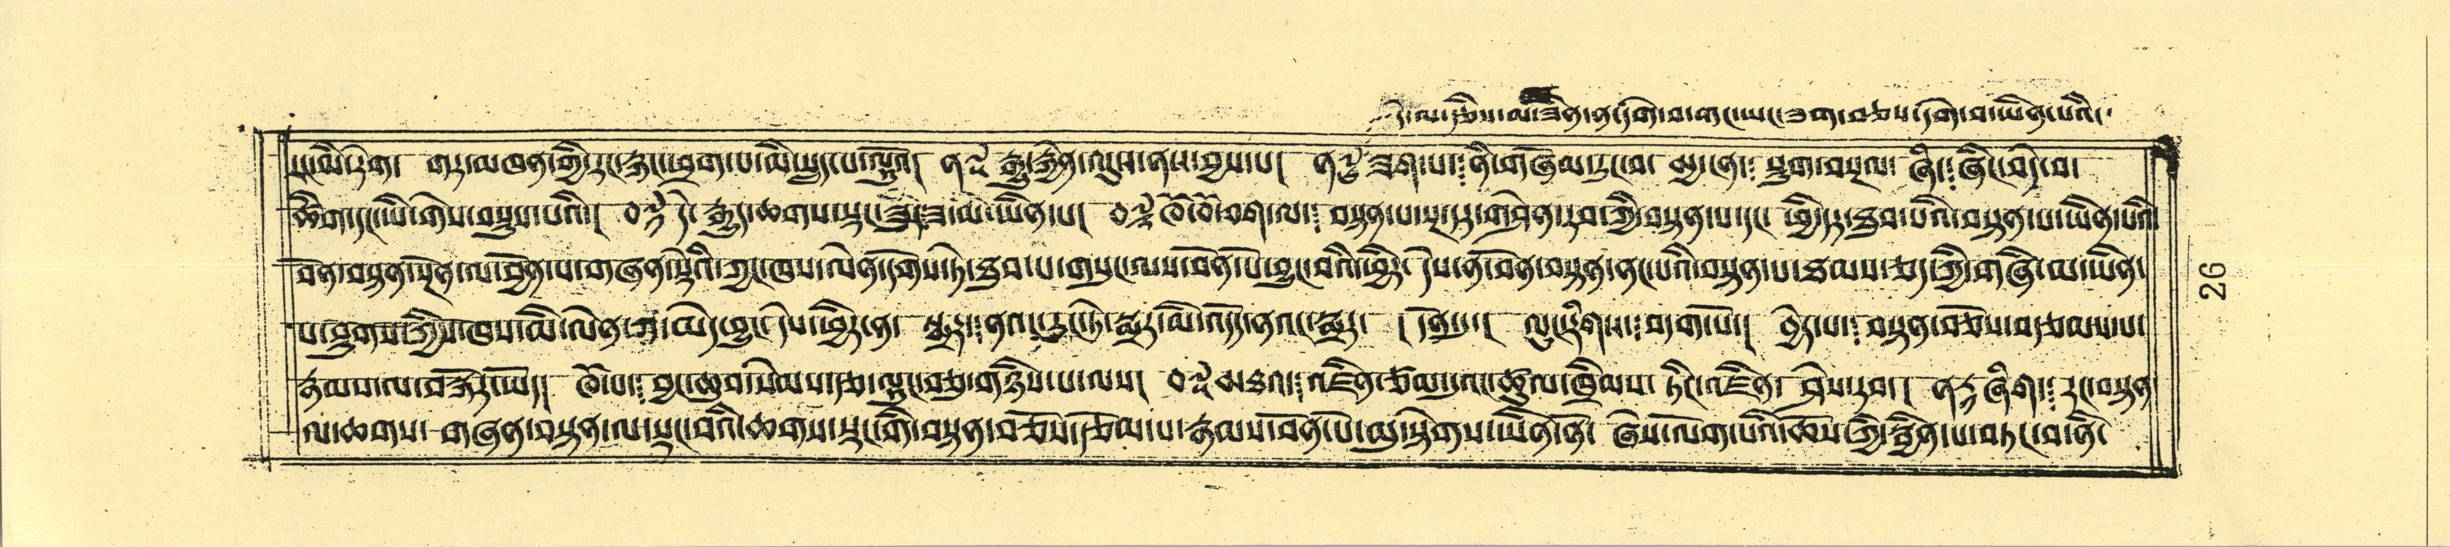རང་མི་རེག གར་མཁན་གྱི་རང་རྐང་ཕྲག་པ་མི་སླད་པ་ལྟ་བུའོ། ན༧།༥ རྒྱུ་རྐྱེན་འདུས་ནས་བྱས་པ། ན༧།༦ ༼དེ་ལ་རྩིས་མ་ཟིན་ན་དགེ་བ་གང་ཡང་ཟག་བཅས་ཀྱི་དགེ་བ་ཡིན་པས༽ཟག་པ༑ ནི་གཞོམ་རུང་བ་མྱ་ངན་སྡུག་བསྔལ་ཞི་ཞིང་བདེ་བ་
ཚིག་དང་ཡི་གེས་བསྡུས་པའི་ བ༧།༡ དེ་རྒྱུད་ཆགས་སྡང་ཟུར་ཟ་མ་ཡིན་པ། བ༧།༢ ཁོ་བོ་ཅག་ལ༑ བསྟན་པ་སྔ་དར་གཤེན་རབ་ཀྱི་བསྟན་པ་དང་། ཕྱི་དར་ཐུབ་པའི་བསྟན་པ་ཡིན་པའི་
བོན་བསྟན་སྔོན་ལ་བྱོན་པ་གཞན་སྡེས་ཀྱང་ཁས་ལེན་དགོས་ཏེ། ཐུབ་པ་གསུང་ལས་བོན་པོ་བྱུང་བའི་ཕྱིར། དེས་ན་བོན་བསྟན་ནང་པའི་བསྟན་པ་ཐམས་ཅད་ཀྱི་གཞི་མ་ཡིན་
པ་ཤུགས་ཀྱིས་ཁས་མི་ལེན་ཀ་མེད་བྱུང་། དེའི་ཕྱིར་ན་སྨྲར༑ ནའང་རུང་སྟེ་སྨྲར་མི་འདོད་ནའང་སྨྲར། དོན་དུ། ལུང་རིགས་བདག་པོ། བྱེད་པ། བསྟན་བཅོས་བརྩམས་པ་
རྣམས་ལ་བསྐོར་ཡོད། ཁོ་པ༑ བྱང་ཆུབ་སེམས་རྩ་ལྟུང་བཅུ་གཉིས་པ་ལས། བ༧།༥ མཐའ༑ འཛིན་ཙམ་དུའང་ཚུལ་ཁྲིམས་ ཏིང་འཛིན་ ཤེས་རབ་ ན༨།༡ ཞིག༑ རང་བསྟན་
ལ་ཆགས་ གཞན་བསྟན་ལ་སྡང་བའི་ཆགས་སྡང་གི་བསྟན་བཅོས་རྩོམ་པ་རྣམས་བོན་པོ་མུ་སྟེགས་པ་ཡིན་ནོ་ ཞེས་ལོག་པའི་ཆོས་ཀྱི་སྦྱིན་པ་བཏང་བ་ནི་